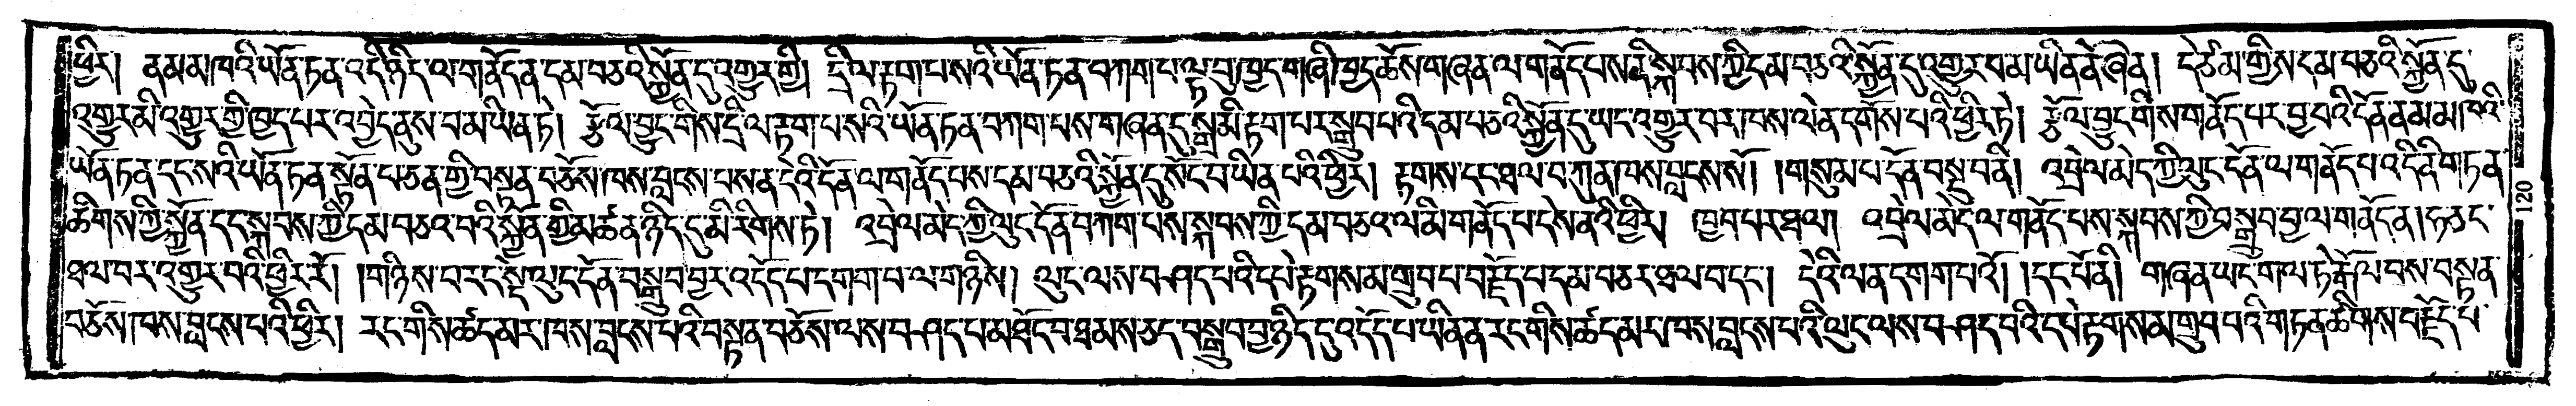ཕྱིར། ནམ་མཁའི་ཡོན་ཏན་འདི་ཉིད་ལ་གནོད་ན་དམ་བཅའི་སྐྱོན་དུ་འགྱུར་གྱི། དྲི་ལ་རྟག་པ་སའི་ཡོན་ཏན་བཀག་པ་ལྟ་བུ་ཁྱད་གཞི་ཁྱད་ཆོས་གཞན་ལ་གནོད་པས་ནི་སྐབས་ཀྱི་དམ་བའི་སྐྱོན་དུ་འགྱུར་བ་མ་ཡིན་ནོ་ཞེ་ན། དེ་ཙམ་གྱིས་དམ་བཅའི་སྐྱོན་དུ་
འགྱུར་མི་འགྱུར་གྱི་ཁྱད་པར་འབྱེད་ནུས་པ་མ་ཡིན་ཏེ། རྩོལ་བྱུང་གིས་དྲི་ལ་རྟག་པ་སའི་ཡོན་ཏན་བཀག་པས་གཞན་དུ་སྒྲ་མི་རྟག་པར་སྒྲུབ་པའི་དམ་བཅའི་སྐྱོན་དུ་ཡང་འགྱུར་བར་ཁས་ལེན་དགོས་པའི་ཕྱིར་ཏེ། རྩོལ་བྱུང་གིས་གནོད་པར་བྱ་བའི་དོན་ནམ་མཁའི་
ཡོན་ཏན་དང་སའི་ཡོན་ཏན་སྟོན་པ་ཅན་གྱི་བསྟན་བཅོས་ཁས་བླངས་པས་ན་དེའི་དོན་ལ་གནོད་པས་དམ་བཅའི་སྐྱོན་དུ་སོང་བ་ཡིན་པའི་ཕྱིར། རྟགས་དང་ཐལ་བ་ཀུན་ཁས་བླངས་སོ། །གསུམ་པ་དོན་བསྡུ་བ་ནི། འབྲེལ་མེད་ཀྱི་ལུང་དོན་ལ་གནོད་པ་འདི་ནི་གཏན་
ཚིགས་ཀྱི་སྐྱོན་དང་སྐབས་ཀྱི་དམ་བཅའ་བའི་སྐྱོན་གྱི་མཚན་ཉིད་དུ་མི་རིགས་ཏེ། འབྲེལ་མེད་ཀྱི་ལུང་དོན་བཀག་པས་སྐབས་ཀྱི་དམ་བཅའ་ལ་མི་གནོད་པ་ངེས་ནའི་ཕྱིར། ཁྱབ་པར་ཐལ། འབྲེལ་མེད་ལ་གནོད་པས་སྐབས་ཀྱི་བསྒྲུབ་བྱ་ལ་གནོད་ན། ཧ་ཅང་
ཐལ་བར་འགྱུར་བའི་ཕྱིར་རོ། །གཉིས་པ་རང་སྡེ་ལུང་དོན་བསྒྲུབ་བྱར་འདོད་པ་དགག་པ་ལ་གཉིས། ལུང་ལས་བཤད་པའི་དཔེ་རྟགས་མ་གྲུབ་པ་བརྗོད་པ་དམ་བཅར་ཐལ་བ་དང་། དེའི་ལན་དགག་སྤའོ། །དང་པོ་ནི། གཞན་ཡང་གལ་ཏེ་རྒོལ་བས་བསྟན་
བཅོས་ཁས་བླངས་པའི་ཕྱིར། རང་གིས་ཚད་མར་ཁས་བླངས་པའི་བསྟན་བཅོས་ལས་བཤད་པ་མཐོང་བ་ཐམས་ཅད་བསྒྲུབ་བྱ་ཉིད་དུ་འདོད་པ་ཡིན་ན་རང་གིས་ཚད་མར་ཁས་བླངས་པའི་ལུང་ལས་བཤད་པའི་དཔེ་རྟགས་མ་གྲུབ་པའི་གཏན་ཚིགས་བརྗོད་པ་